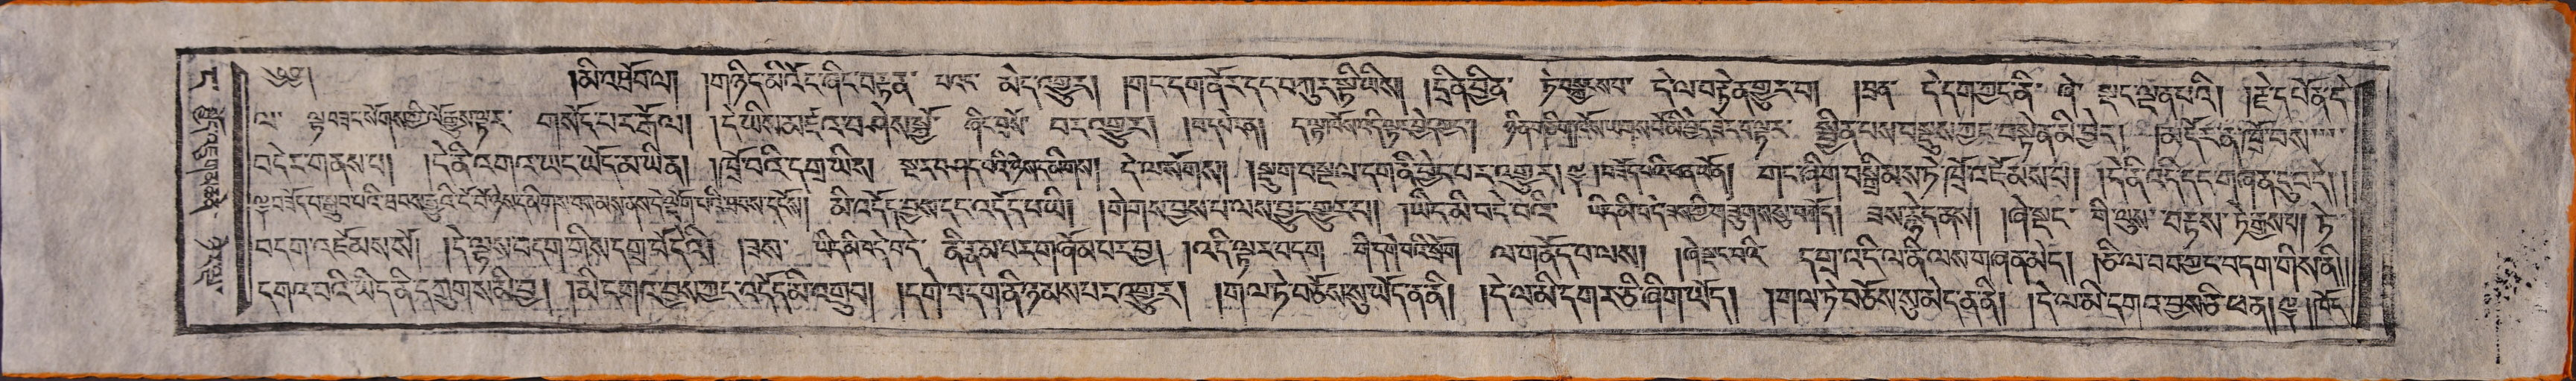༄༅། །མི་འཐོབ་ལ། །གཉིད་མིའོང་ཞིང་བརྟན་པའང་མེད་འགྱུར། །གང་དག་ནོར་དང་བཀུར་སྟེ་ཡིས། །དྲིན་བྱིན་ཏེ་བསྐྱབས་པ་དེ་ལ་བརྟེན་གྱུར་བ། །ཕྲན་དེ་དག་ཀྱང་ནི་ཞེ་སྡང་ལྡན་པའི། །རྗེ་དཔོན་དེ།
ལ་ལྟ་བཞན་སོགས་ཀྱི་ལོ་རྒྱུས་ལྟར་གསོད་པར་རྒོལ། །དེ་ཡིས་མཛའ་བ་ཤེས་སྐྱོ། ཞིང་བྲས་བར་འགྱུར། །བ་དཔེར་ན། ད་ལྟ་ཁོས་འདི་སྟར་བྱེད་ཀྱང་། ཉིན་གཅིག་ཀ་ཁས་ཡགས་པོ་མི་བྱེད་ཟེར་བ་ལྟར་སྦྱིན་པས་བསྡུས་ཀྱང་བསྟེན་མི་བྱེད། །མདོར་ན་ཁོར་བས་
བདོར་གནས་པ། །དེ་ནི་འགའ་ཡང་ཡོད་མ་ཡིན། །ལྑྲོ་བའི་དགྲ་ཡིས་སྔར་བཤད་པའི་ཉེས་དམིགས་དེ་ལ་གསོག། སྡུག་བསྔལ་དག་ནི་བྱེད་པར་འགྱུར། ༈ །བཟོད་པའི་ཕན་ཡོན། གང་ཞིག་བསྒྲིམས་ཏེ་ཁྲོ་འཇོམས་པ། །དེ་ནི་འདི་དང་གཞན་དུ་བདེ། །
༈བཟོད་པ་སྒྲུབ་པའི་ཐབས་རྒྱུའི་ངོ་བོ་ཉེས་དམིགས་བསམས་ནས་དེ་ལྡོག་པའི་ཐབས་དངོས། མི་འདོད་བྱས་དང་འདོད་པ་ཡི། །གེགས་བྱས་པ་ལས་བྱུང་གྱུར་བ། །ཡིད་མི་བདེ་བའི་ཡིད་མི་བདེ་ཟས་ཀྱི་གཟུགས་སུ་བཀོད། ཟས་རྙེད་ནས། །ཞ་སྡང་གི་ལུས་བརྟགས་སྒྱས་ཏེ་རྒྱས་པ། ཏེ་
བདག་འཇོམས་སོ། །དེ་ལྟས་བདག་གིས་དགྲ་བོ་དེའི། །ཟས་ཡིད་མི་བདེ་བདེ་ནི་རྣམ་པར་གཞོམ་པར་བྱ། །འདི་ལྟར་བདག་གི་དགེ་བའི་སྲོག་ལ་གནོད་པ་ལས། །ཞེ་སྡང་བའི་དགྲ་འདི་ལ་ནི་ལས་གཞན་མེད། །ཅི་ལ་བབ་ཀྱང་བདག་གིས་ནི།།
དགའ་བའི་ཡིད་མི་དཀྲུགས་མི་བྱ། །མི་དགའ་བྱས་ཀྱང་འདོད་མི་འགྲུབ། །དགེ་བདག་ནི་ཉམས་པར་འགྱུར། །གལ་ཏེ་བཅོས་སུ་ཡོད་ན་ནི། །དེ་ལ་མི་དགར་ཅི་ཞིག་ཡོད། །གལ་ཏེ་བཅོས་སུ་མེད་ན་ནི། །དེ་ལ་མི་དགའ་བྱས་ཅི་ཕན། ༈ །ཁོང་